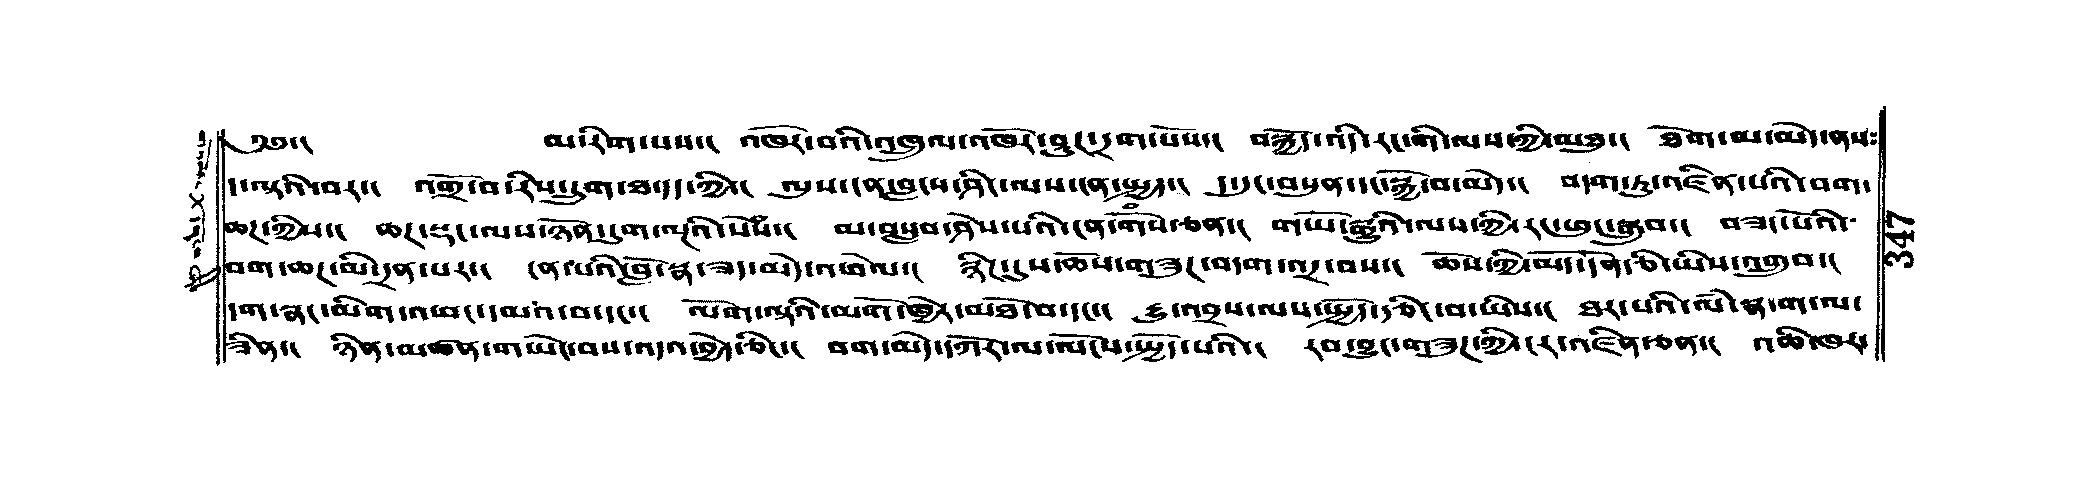མ་རིག་པས། །འཁོར་བའི་འཁྲུལ་འཁོར་ཤུགས་དྲག་པོས། །བསྐྱོད་འདི་རང་གི་ལས་ཀྱི་མཐུ། །ཐོག་མ་མེད་ནས་
ད་ལྟའི་བར། །འགྲོ་བ་རིགས་དྲུག་ཐ་དད་ཀྱི། །ལུས་ངན་བླངས་ཤིང་ལས་ངན་སྤྱད། །ད་དུང་བསུན་དང་སྐྱོ་བ་མེད། །བདག་ཏུ་འཛིན་པའི་བག་
ཆགས་ཀྱིས། །ཆགས་སྡང་ལས་ཉོན་དུག་ལྔའི་སེམས། །མ་བསླབ་ཤེས་པའི་ངན་གོམས་ཅན། །གཡོ་སྒྱུའི་ལས་ཀྱི་རང་ཕུང་སྒྲུབ། །བཟང་པོའི་
བག་ཆགས་མི་དྲན་པར། །ངན་པའི་བློ་སྣ་ཟད་མེད་འཕེལ། །སྙིགས་དུས་ཆོས་གཟུགས་བདག་འདྲ་བས། །ཆོས་ཀྱི་མདོ་དོན་ཅི་ཡིས་འགྲུབ། །
དག་སྣང་མིག་འཕང་དམའ་བ་དང་། །ལོག་ལྟའི་མགོ་ཁྱེར་མཐོ་བ་དང་། །རྒྱུ་འབྲས་ལས་སྤྱོད་རྩིང་བ་ཡིས། །ཐར་པའི་ལམ་སྣ་ག་ལ་
ཟིན། །ཉིན་མཚན་གཡེང་བས་འདའ་བྱེད་ཅིང་། །བག་མེད་དཀོར་ལ་ལོངས་སྤྱོད་པའི། །རབ་བྱུང་གཟུགས་ཀྱི་ངར་འཛིན་ཅན། །འཆི་ཁར་